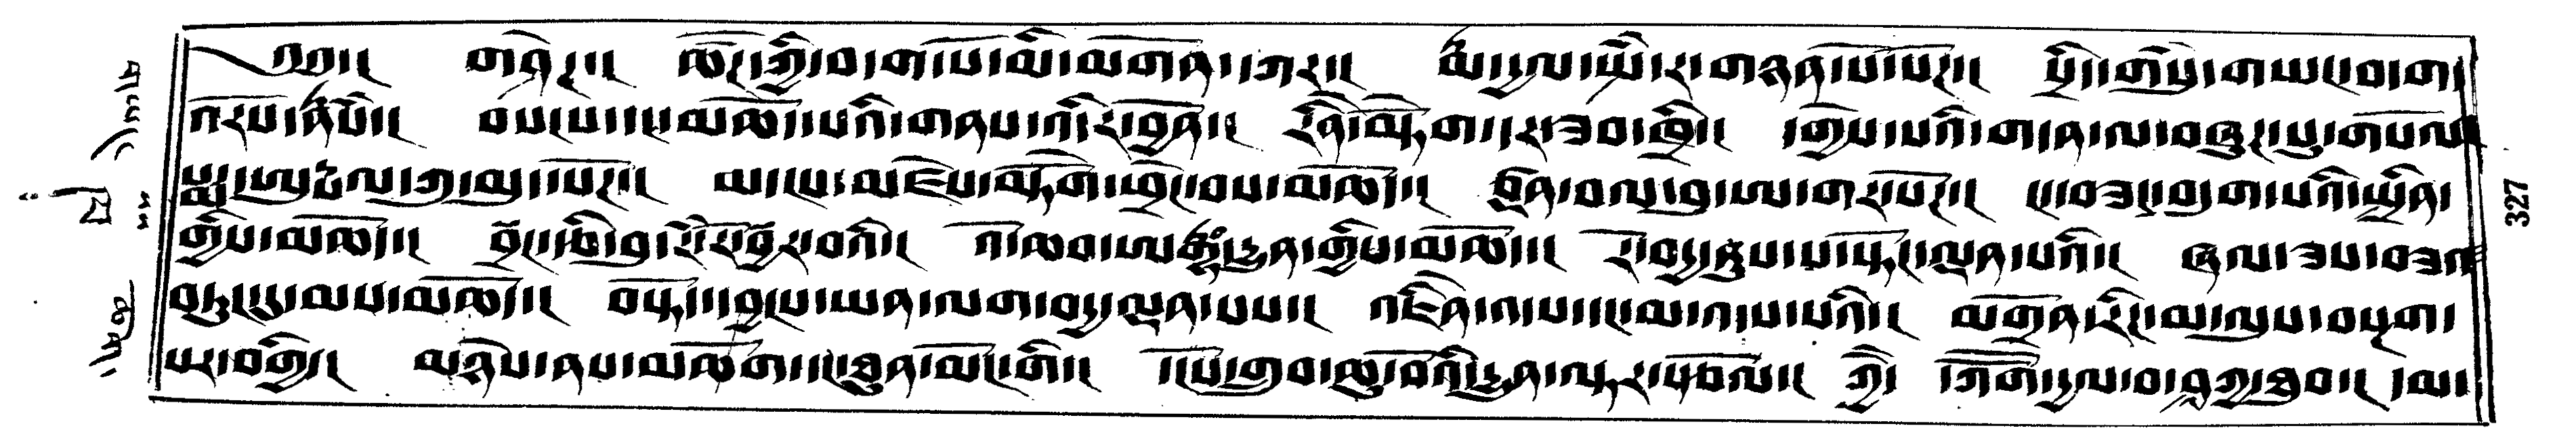གཤེགས། །ཚོགས་ཀྱི་བདག་པོ་མི་མགོན་དཀར། །རྨ་རྒྱལ་སྤོམ་ར་གཉན་པོ་སོགས། །སྲིད་གསུམ་གཡང་བདག་
འཁོར་བཅས་རྣམས། །བསང་དང་མཆོད་པའི་གནས་འདིར་བྱོན། །རིན་ཆེན་མེ་ཏོག་དར་ཟབ་ཁྲི། །དགྱེས་པའི་གདན་ལ་བཞུགས་སུ་གསོལ།
པདྨ་ཨུཏྤལ་ཀུ་མུད་སོགས། །མདངས་མཛེས་མེ་ཏོག་ཕྲེང་བས་མཆོད། །ཙན་དན་བལ་བུ་ཨ་གར་སོགས། །ངད་བཟང་བདུག་པའི་སྤྲིན་
གྱིས་མཆོད། །སྦྲང་རྩི་བུ་རམ་རོ་སྦྱར་བའི། །འོ་ཆབ་ཨརྒྷཾ་རྒྱུན་གྱིས་མཆོད། །རོ་བརྒྱ་ནུས་པ་སྟོང་ལྡན་པའི། །ཞལ་ཟས་བཟའ་
བཏུང་དུ་མས་མཆོད། །བསྟོད་དབྱངས་ཡན་ལག་བརྒྱ་ལྡན་པས། །འཇིག་རྟེན་འདས་དང་མ་འདས་པའི། །མགྲོན་རིགས་མ་ལུས་བསྔགས་
པར་བགྱི། །མཉེས་ནས་མཆོག་དང་ཐུན་མོང་གི། །དངོས་གྲུབ་ཆུ་བོའི་རྒྱུན་ལྟར་སྩོལ། ཀྱཻ། དཀོན་མཆོག་རྒྱལ་བ་ཤཱཀྱ་ཐུབ། །དམ་